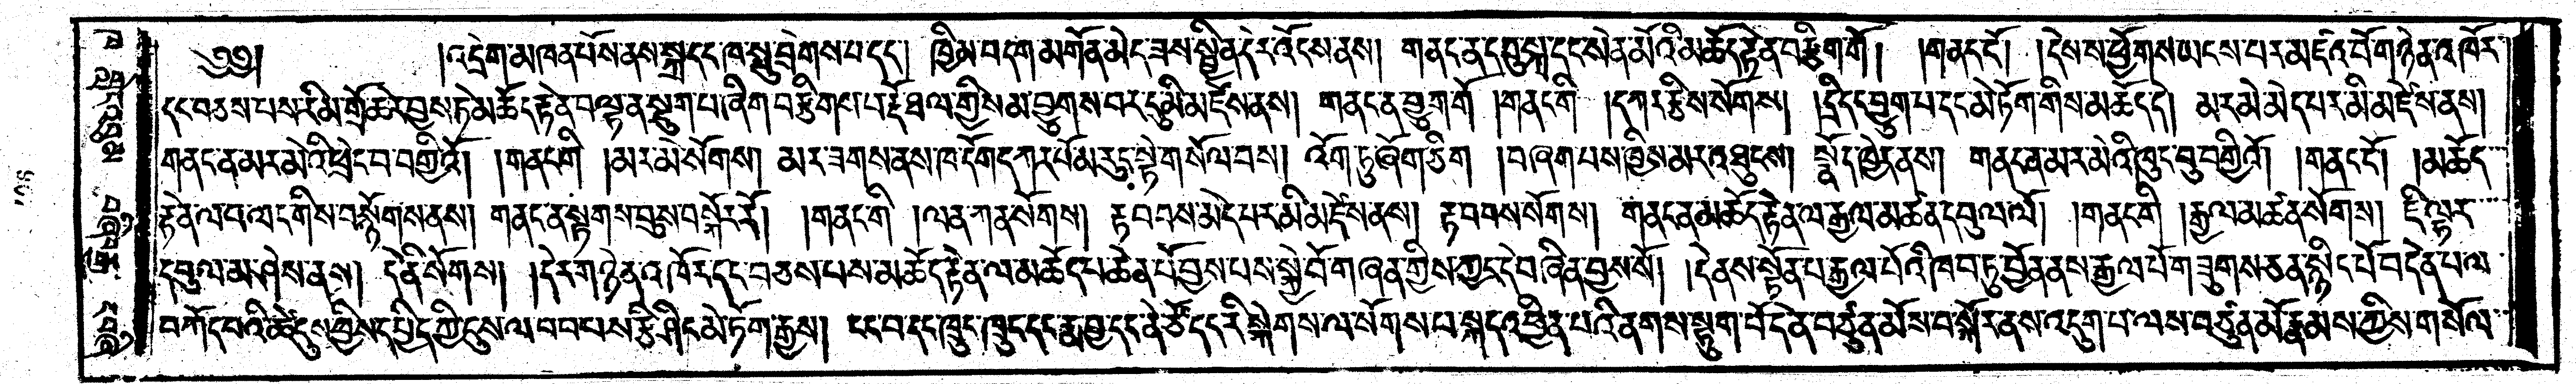༄༅། །འདྲེག་མཁན་པོས་ནས་སྐྲ་དང་ཁ་སྤུ་བྲེགས་པ་དང་། ཁྱིམ་བདག་མགོན་མེད་ཟས་སྦྱིན་དེར་འོངས་ནས། གནང་ན་དབུ་སྐྲ་དང་སེན་མོའི་མཆོད་རྟེན་བརྩིག་གོ། །གནང་ངོ། །དེས་ས་ཕྱོགས་ཡངས་པར་མཛའ་བོ་གཉེན་འཁོར་
དང་བཅས་པས་རིམ་གྲོ་ཆེར་བྱས་ཏེ་མཆོད་རྟེན་བལྟན་སྡུག་པ་ཞིག་བརྩིགས་པ་རྡོ་ཐལ་གྱིས་མ་བྱུགས་བར་དུ་མི་མཛེས་ནས། གནང་ན་བྱུག་གོ །གནང་གི །དཀར་རྩིས་སོགས། །དྲི་དང་བྱུག་པ་དང་མེ་ཏོག་གིས་མཆོད་དེ། མར་མེ་མེད་པར་མི་མཛེས་ནས།
གནང་ན་མར་མེའི་ཕྲེང་བ་བགྱིའོ། །གནང་གི །མར་མེ་སོགས། མར་ཟགས་ནས་ཁ་དོག་དཀར་པོ་མ་རུང་སྟེ་གསོལ་བས། འོག་ཏུ་ཞོག་ཅིག །བཞག་པས་ཁྱིས་མར་འཐུངས། སྣོད་ཁྱེར་ནས། གནང་ན་མར་མེའི་ཁུང་བུ་བགྱིའོ། །གནང་ངོ། །མཆོད་
རྟེན་ལ་བ་ལང་གིས་བསྙོགས་ནས། གནང་ན་སྟགས་བུས་བསྐོར་རོ། །གནང་གི །ལན་ཀན་སོགས། རྟ་བབས་མེད་པར་མི་མཛེས་ནས། རྟ་བབས་སོགས། གནང་ན་མཆོད་རྟེན་ལ་རྒྱལ་མཚན་དབུལ་ལོ། །གནང་གི །རྒྱལ་མཚན་སོགས། ཇི་ལྟར་
དབུལ་མ་ཤེས་ནས། དེ་ནི་སོགས། །དེར་གཉེན་འཁོར་དང་བཅས་པས་མཆོད་རྟེན་ལ་མཆོད་པ་ཆེན་པོ་བྱས་པས་སྐྱེ་བོ་གཞན་གྱིས་ཀྱང་དེ་བཞིན་བྱས་སོ། །དེ་ནས་སྟོན་པ་རྒྱལ་པོའི་ཁབ་ཏུ་བྱོན་ནས་རྒྱལ་པོ་གཟུགས་ཅན་སྙིང་པོ་བདེན་པ་ལ་
བཀོད་པའི་ཚེ་དུས་ཕྱིས་དཔྱིད་ཀྱི་དུས་ལ་བབ་པས་རྩི་ཤིང་མེ་ཏོག་རྒྱས། ངང་བ་དང་ཁྲུང་ཁྲུང་དང་རྨ་བྱ་དང་ནེ་ཙོ་དང་རི་སྐེགས་ལ་སོགས་པ་སྐད་འཕྱིན་པའི་ནགས་སྟུག་པོ་དོན་བཙུན་མོས་བ་སྐོར་ནས་འདུག་པ་ལས་བཙུན་མོ་རྣམས་ཀྱིས་གསོལ་